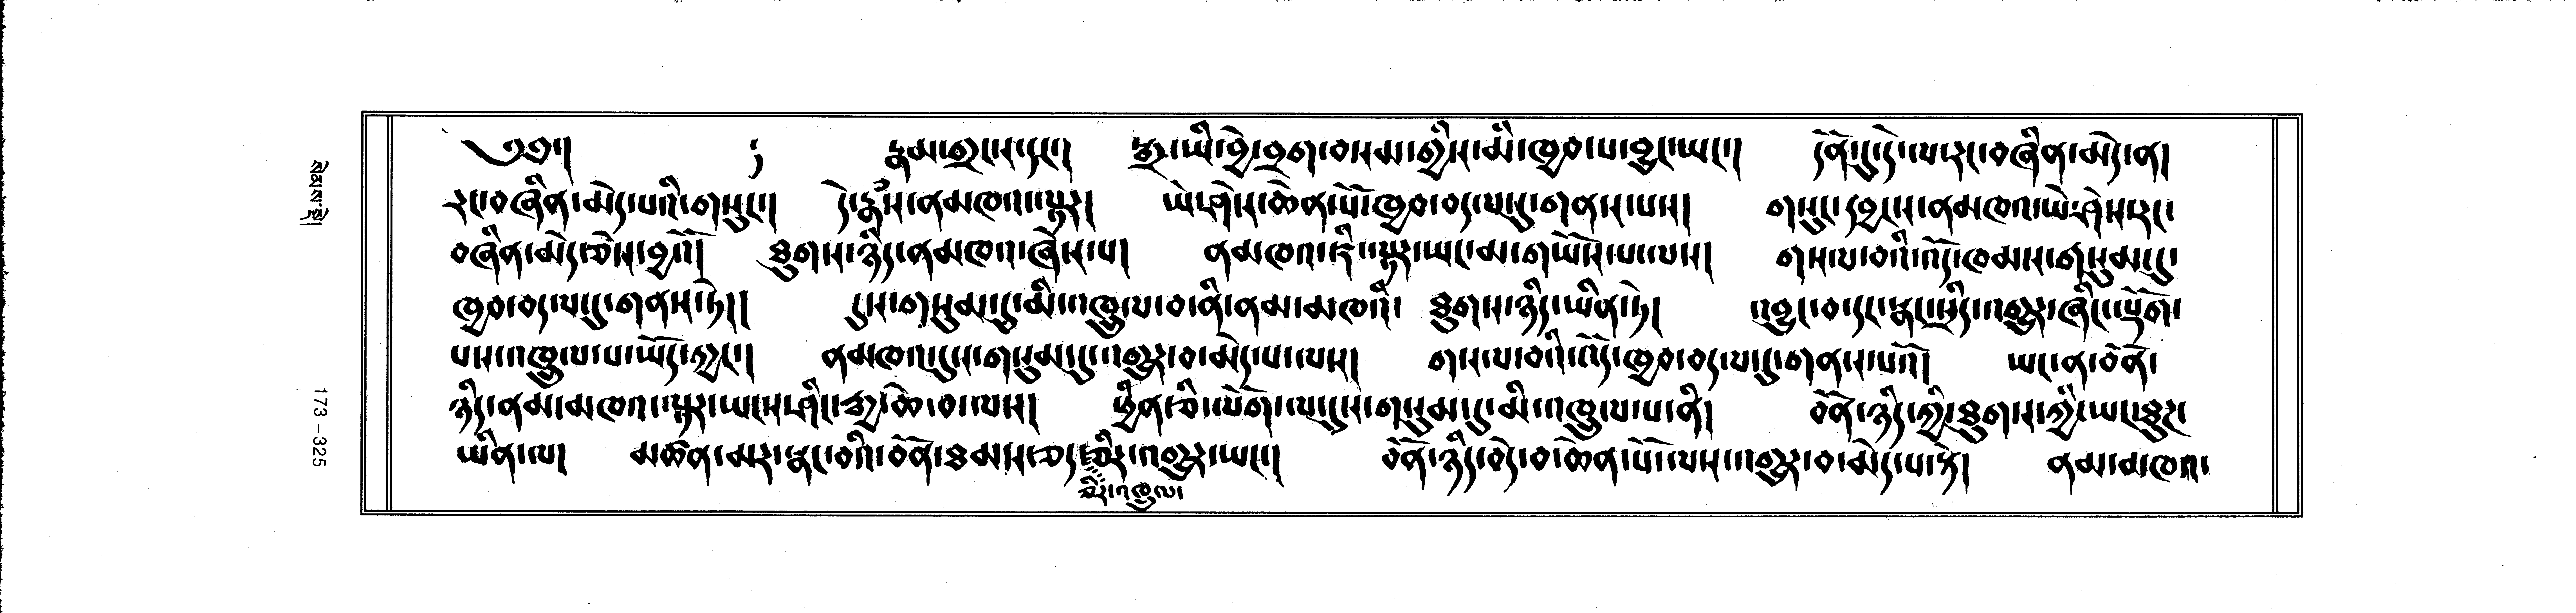རྣམ་གྲངས་དང་། སྒྲ་ཡི་བྱེ་བྲག་བསམ་གྱིས་མི་ཁྱབ་པ་བྱུང་ཡང་། དོན་དུ་དེ་ལ་རང་བཞིན་མེད་ན་
རང་བཞིན་མེད་པའི་གསུང་། དེ་རྣམས་ནམ་མཁའ་ལྟར། ཡེ་ཤེས་ཆེན་པོ་ཁྱབ་བདལ་དུ་གནས་པས། གསུང་དབྱངས་ནམ་མཁའ་ཡེ་ཤེས་རང་
བཞིན་མེད་ཅེས་བྱའོ། །ཐུགས་ཉིད་ནམ་མཁའ་ཞེས་པ། ནམ་མཁའ་ཇི་ལྟར་ཡང་མ་གཡོས་པ་ལས་གསལ་བའི་འོད་ཁམས་གསུམ་དུ་
ཁྱབ་བདལ་དུ་གནས་ཏེ། དུས་གསུམ་དུ་མི་འཁྲུལ་པ་ནི་ནམ་མཁའི་ཐུགས་ཉིད་ཡིན་ཏེ། འབྱུང་བ་དང་སྣང་སྲིད་འགྱུར་ཞིང་ལྡོག་
པས་འཁྲུལ་པ་ཡོད་ཀྱང་། ནམ་མཁའ་དུས་གསུམ་དུ་འགྱུར་བ་མེད་པ་ལས། གསལ་བའི་འོད་ཁྱབ་བདལ་དུ་གནས་པའོ། །ཡང་ན་བོན་ཉིད་
ནམ་མཁའ་ལྟར་ཡངས་ཤིང་རྒྱ་ཆེ་བ་ལས། ཕྱིན་ཅི་ལོག་ལ་དུས་གསུམ་དུ་མི་འཁྲུལ་པ་ནི། བོན་ཉིད་ཀྱི་ཐུགས་ཀྱི་ཡང་ཐུགས་
ཡིན་ལ། མཚན་མར་སྣང་བའི་བོན་ཐམས་ཅད་ཅིར་འཁྲུལ་ཅིར་འགྱུར་ཡང་། བོན་ཉིད་བདེ་བ་ཆེན་པོ་ལས་འགྱུར་བ་མེད་པ་སྟེ། ནམ་མཁའ་